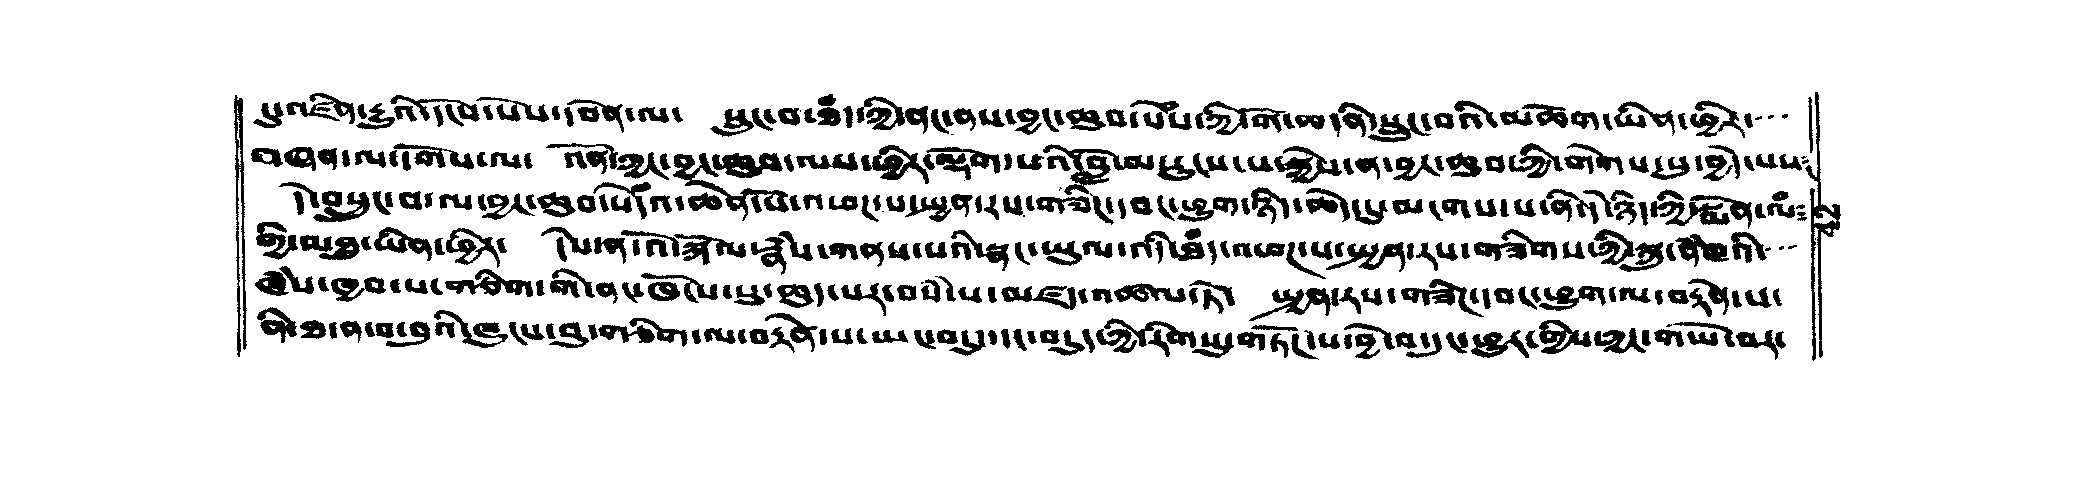དདུ་འཛིན་རྒྱུའི་དངོས་པོས་དབེན་ལ། སྲུང་བ་ཐམས་ཅད་ཀྱི་ནང་ནས་བྱང་ཆུབ་སེམས་ཀྱི་གོ་ཆ་ནི་སྲུང་བའི་མཆོག་ཡིན་ཕྱིར་
གཞན་ལ་དགོས་ལ། འོན་ཀྱང་བྱང་ཆུབ་ལས་ཕྱིར་ལྡོག་པའི་བློ་མ་རུངས་པ་སྐྱེས་ན་བྱང་ཆུབ་ཀྱི་གེགས་སུ་བྱེད་པས། 
དེ་བསྲུང་བ་ལ་བྱང་ཆུབ་སེམས་དཔའ་ཆེན་པོ་འཕགས་པ་སྤྱན་རས་གཟིགས་དབང་ཕྱུག་ཉིད་ཆེད་དུ་མངགས་པ་ནི་དེ་ཉིད་ཀྱི་སྨོན་ལམ་
གྱི་མཐུ་ཡིན་ཕྱིར། དེས་ན་འོ་སྐོལ་རྣམས་གནས་པའི་སྣང་ཡུལ་འདི་ཐམས་ཅད་འཕགས་པ་སྤྱན་རས་གཟིགས་ཀྱི་སྐུ་ནམ་མཁའི་
ཁམས་ཁྱབ་པ་གཅིག་གི་ནང་ཁོངས་སུ་ཆུད་པར་བསམ་པ་མཛད་འཚལ་ཏེ། སྤྱན་རས་གཟིགས་དབང་ཕྱུག་ལ་བརྟེན་པ་
ནི་ཐ་ན་བ་བུའི་ཁུངས་བུ་གཅིག་ལ་བརྟེན་པ་ཡང་བདུད་དང་བདུད་ཀྱི་རིགས་སུ་གཏོགས་པ་བྱེ་བ་དུང་ཕྱུར་གྱིས་ཀྱང་གཡོ་བར་